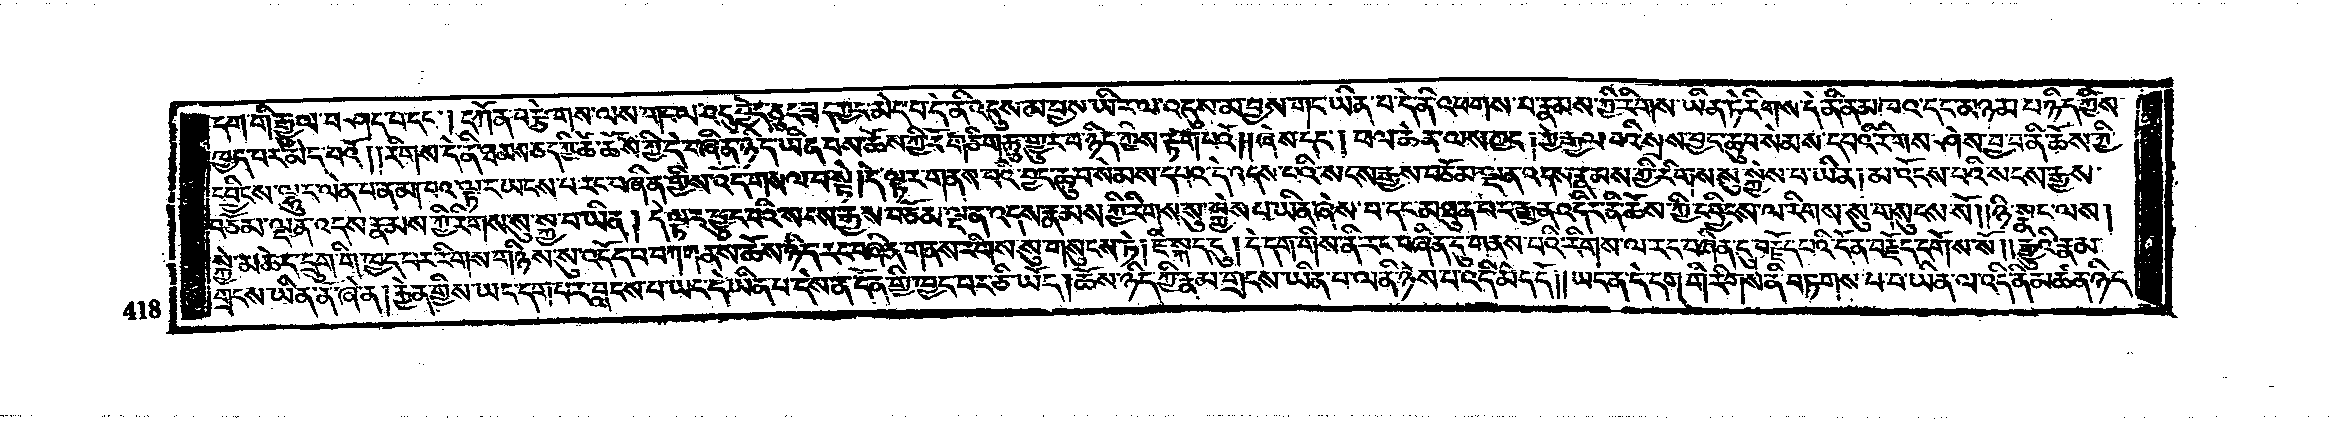དག་གི་རྒྱུ་ལ་བཤད་པ་དང་། དཀོན་བརྩེགས་ལས་གང་ལ་འདུ་བྱེད་ཅུང་ཟད་ཀྱང་མེད་པ་དེ་ནི་འདུས་མ་བྱས་ཡིན་ལ་འདུས་མ་བྱས་གང་ཡིན་པ་དེ་ནི་འཕགས་པ་རྣམས་ཀྱི་རིགས་ཡིན་ཏེ་རིགས་དེ་ནི་ནམ་མཁའ་དང་མཉམ་པ་ཉིད་ཀྱིས་
ཁྱད་པར་མེད་པའོ། །རིགས་དེ་ནི་ཐམས་ཅད་ཀྱི་ཚེ་ཆོས་ཀྱི་དེ་བཞིན་ཉིད་ཡིན་པས་ཆོས་ཀྱི་རོ་གཅིག་ཏུ་གྱུར་བ་ཉིད་ཀྱིས་རྟག་པའོ། །ཞེས་དང་། ཕལ་ཆེན་ལས་ཀྱང་། ཀྱེ་རྒྱལ་བའི་སྲས་བྱང་ཆུབ་སེམས་དཔའི་རིགས་ཤེས་བྱ་བ་ནི་ཆོས་ཀྱི་
དབྱིངས་ལྷུར་ལེན་པ་ནམ་མཁའ་ལྟར་ཡངས་པ་རང་བཞིན་གྱིས་འོད་གསལ་བ་སྟེ། དེ་ལྟར་གནས་པའི་བྱང་ཆུབ་སེམས་དཔའ་དེ་འདས་པའི་སངས་རྒྱས་བཅོམ་ལྡན་འདས་རྣམས་ཀྱི་རིགས་སུ་སྐྱེས་པ་ཡིན། མ་འོངས་པའི་སངས་རྒྱས་
བཅོམ་ལྡན་འདས་རྣམས་ཀྱི་རིགས་སུ་སྐྱེ་བ་ཡིན། དེ་ལྟར་བྱུང་བའི་སངས་རྒྱས་བཅོམ་ལྡན་འདས་རྣམས་ཀྱི་རིགས་སུ་སྐྱེས་པ་ཡིན་ཞེས་པ་དང་མཐུན་པར་རྒྱན་འདིར་ནི་ཆོས་ཀྱི་དབྱིངས་ལ་རིགས་སུ་གསུངས་སོ། །ཉི་སྣང་ལས།
སྐྱེ་མཆེད་དྲུག་གི་ཁྱད་པར་རིགས་གཉིས་སུ་འདོད་པ་བཀག་ནས་ཆོས་ཉིད་རང་བཞིན་གནས་རིགས་སུ་གསུངས་ཏེ། ཇི་སྐད་དུ། དེ་དག་གིས་ནི་རང་བཞིན་དུ་གནས་པའི་རིགས་ལ་རང་བཞིན་དུ་བརྗོད་པའི་དོན་བརྗོད་དགོས་སོ། །རྒྱུའི་རྣམ་
གྲངས་ཡིན་ནོ་ཞེ་ན། རྐྱེན་གྱིས་ཡང་དག་པར་བླངས་པ་ཡང་དེ་ཡིན་པ་དེས་ན་དོན་གྱི་ཁྱད་པར་ཅི་ཡོད། ཆོས་ཉིད་ཀྱི་རྣམ་གྲངས་ཡིན་པ་ལ་ནི་ཉེས་པ་འདི་མེད་དོ། །ཡང་ན་དེ་དག་གི་རིགས་ནི་བཏགས་པ་བ་ཡིན་ལ་འདི་ནི་མཚན་ཉིད་